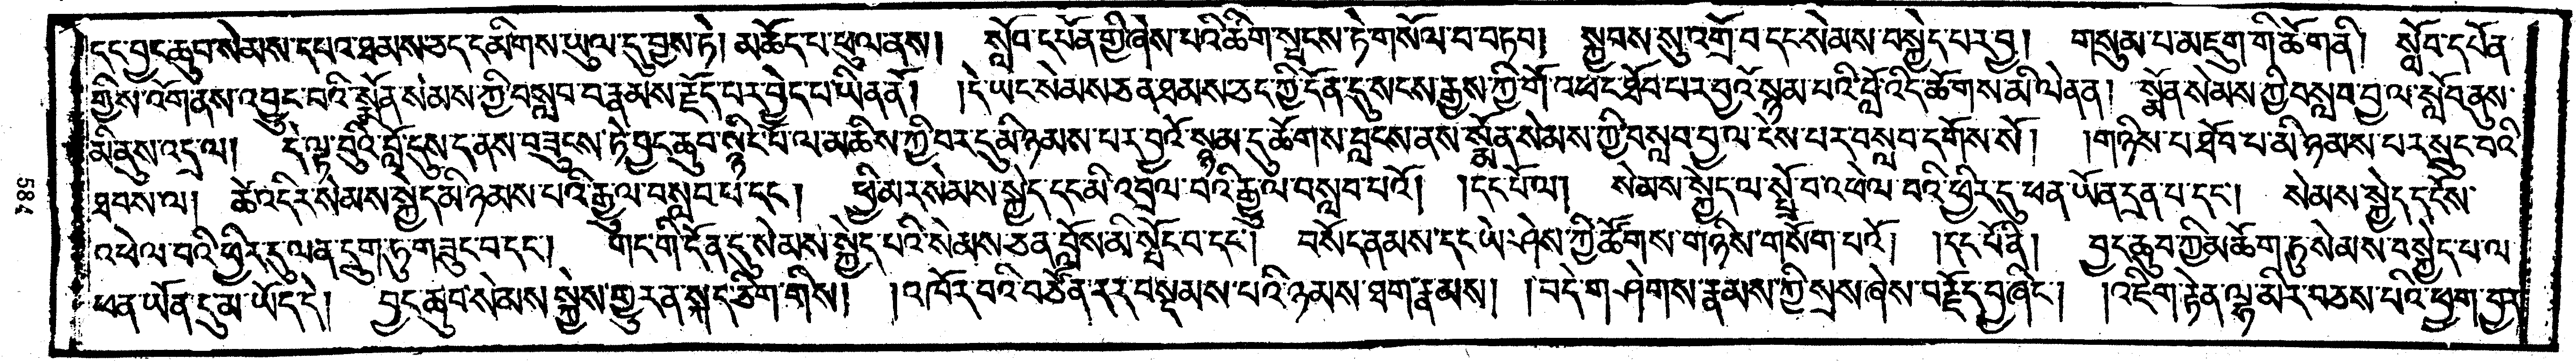དང་བྱང་ཆུབ་སེམས་དཔའ་ཐམས་ཅད་དམིགས་ཡུལ་དུ་བྱས་ཏེ། མཆོད་པ་ཕུལ་ནས། སློབ་དཔོན་གྱི་ཞེས་པའི་ཚིག་སྤངས་ཏེ་གསོལ་བ་བཏབ། སྐྱབས་སུ་འགྲོ་བ་དང་སེམས་བསྐྱེད་པར་བྱ། གསུམ་པ་མཇུག་གི་ཆོ་ག་ནི། སློབ་དཔོན་
གྱིས་འོག་ནས་འབྱུང་བའི་སྨོན་སེམས་ཀྱི་བསླབ་བ་རྣམས་བརྗོད་པར་བྱེད་པ་ཡིན་ནོ། །དེ་ཡང་སེམས་ཅན་ཐམས་ཅད་ཀྱི་དོན་དུ་སངས་རྒྱས་ཀྱི་གོ་འཕང་ཐོབ་པར་བྱའོ་སྙམ་པའི་བློ་འདི་ཆོ་གས་མི་ལེན་ན། སྨོན་སེམས་ཀྱི་བསླབ་བྱ་ལ་སློབ་ནུས་
མི་ནུས་འདྲ་ལ། དེ་ལྟ་བུའི་བློ་དུས་ད་ནས་བཟུངས་ཏེ་བྱང་ཆུབ་སྙིང་པོ་ལ་མཆིས་ཀྱི་བར་དུ་མི་ཉམས་པར་བྱའོ་སྙམ་དུ་ཆོ་གས་བླངས་ནས་སྨོན་སེམས་ཀྱི་བསླབ་བྱ་ལ་ངེས་པར་བསླབ་དགོས་སོ། །གཉིས་པ་ཐོབ་པ་མི་ཉམས་པར་སྲུང་བའི་
ཐབས་ལ། ཚེ་འདིར་སེམས་སྐྱེད་མི་ཉམས་པའི་རྒྱུ་ལ་བསླབ་པ་དང་། ཕྱི་མར་སེམས་སྐྱེད་དང་མི་འབྲལ་བའི་རྒྱུ་ལ་བསླབ་པའོ། །དང་པོ་ལ། སེམས་སྐྱེད་ལ་སྤྲོ་བ་འཕེལ་བའི་ཕྱིར་དུ་ཕན་ཡོན་དྲན་པ་དང་། སེམས་སྐྱེད་དངོས་
འཕེལ་བའི་ཕྱིར་དུ་ལན་དྲུག་ཏུ་གཟུང་བ་དང་། གང་གི་དོན་དུ་སེམས་སྐྱེད་པའི་སེམས་ཅན་བློས་མི་སྤོངས་བ་དང་། བསོད་ནམས་དང་ཡེ་ཤེས་ཀྱི་ཚོགས་གཉིས་གསོག་པའོ། །དང་པོ་ནི། བྱང་ཆུབ་ཀྱི་མཆོག་ཏུ་སེམས་བསྐྱེད་པ་ལ་
ཕན་ཡོན་དུ་མ་ཡོད་དེ། བྱང་ཆུབ་སེམས་སྐྱེས་གྱུར་ན་སྐད་ཅིག་གིས། །འཁོར་བའི་བཙོན་རར་བསྔམས་པའི་ཉམས་ཐག་རྣམས། །བདེ་གཤེགས་རྣམས་ཀྱི་སྲས་ཞེས་བརྗོད་བྱ་ཞིང་། །འཇིག་རྟེན་ལྷ་མིར་བཅས་པའི་ཕྱག་བྱར་